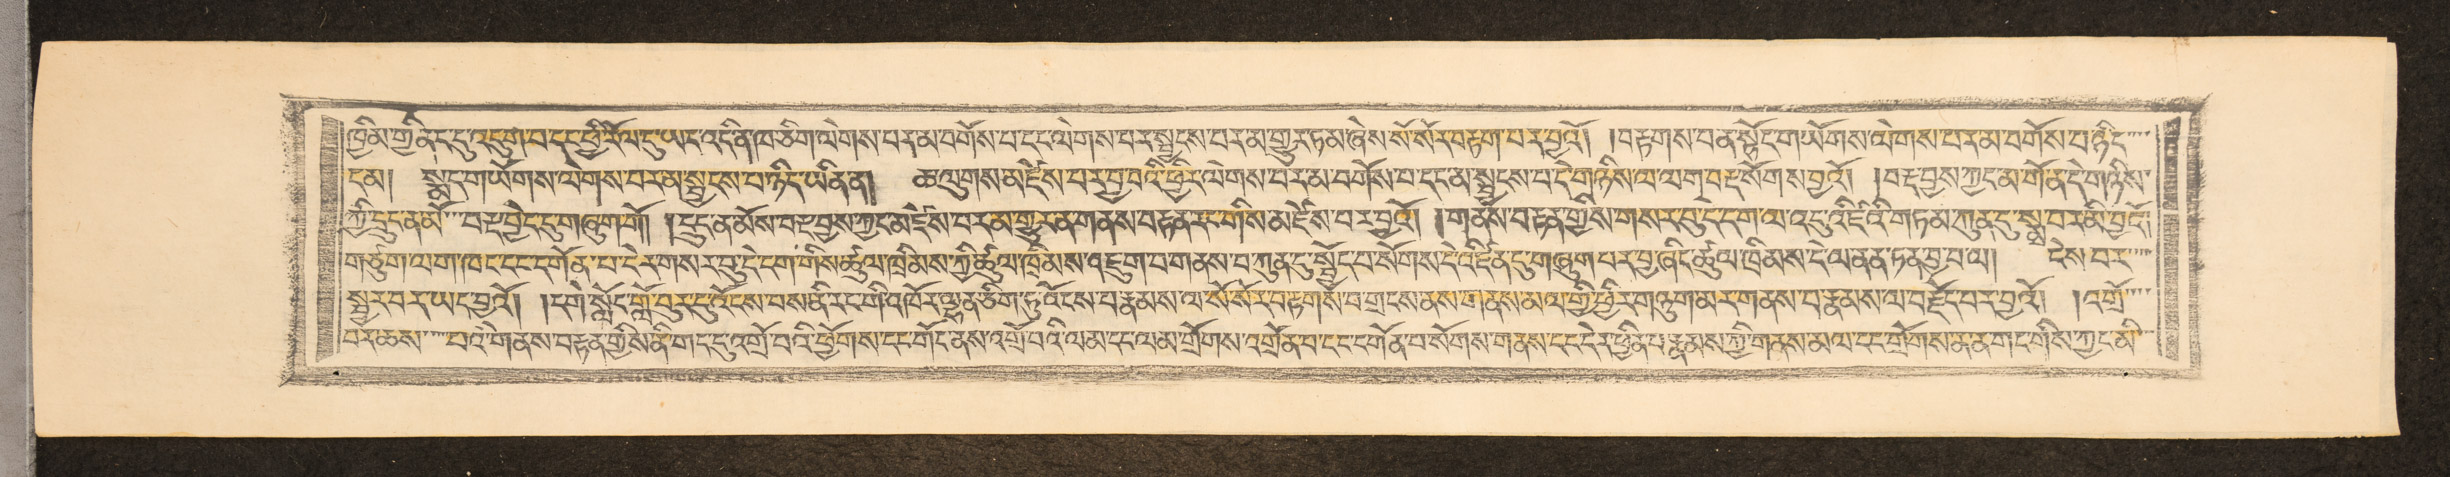ཁྱིམ་གྱི་ནང་དུ་འདུག་པ་དང་ཕྱི་རོལ་དུ་ཡང་འདི་ན་ཁ་ཅིག་ལེགས་པར་མ་བགོས་པ་དང་ལེགས་པར་སྦྱངས་པར་མ་གྱུར་ཏམ་ཞེས་སོ་སོར་བརྟག་པར་བྱའོ། །བརྟགས་པ་ན་སྟོད་གཡོགས་ལེགས་པར་མ་བགོས་པ་ཉིད་
དམ། སྨད་གཡོགས་ལེགས་པར་མ་སྦྱངས་པ་ཉིད་ཡིན་ན། ཆ་ལུགས་མཛེས་པར་བྱ་བའི་ཕྱིར་ལེགས་པར་མ་བགོས་པ་དང་མ་སྦྱངས་པ་དེ་གཉིས་ལ་ལག་བརྡ་སོགས་བྱའོ། །བརྡ་བྱས་ཀྱང་མ་གོ་ན་དེ་གཉིས་
ཀྱི་དྲུང་ན་མོ་བརྡ་བྱེད་དུ་གཞུག་གོ། །དྲུང་ན་མོས་བརྡ་བྱས་ཀྱང་མཛེས་པར་མ་གྱུར་ན་གནས་བརྟན་རང་གིས་མཛེས་པར་བྱའོ། །གནས་བརྟན་གྱིས་གསར་བུ་དེ་དག་ལ་འདུ་འཛིའི་གཏམ་ཀུན་དུ་སྨྲ་བར་མི་བྱའོ།།
གཙུག་ལག་ཁང་དང་དགོན་པ་དེར་གསར་བུ་དེ་དག་གིས་ཚུལ་ཁྲིམས་ཀྱི་ཚུལ་ཁྲིམས་འཇུག་པ་གནས་པ་ཀུན་དུ་སྤྱོད་པ་སོགས་དེ་འཛིན་དུ་གཞུག་པར་བྱ་ཞིང་ཚུལ་ཁྲིམས་དེ་ལ་ནན་ཏན་བྱ་བ་ལ། ངེས་པར་
སྦྱར་བར་ཡང་བྱའོ། །དགེ་སློང་གློ་བུར་དུ་འོངས་པས་ནི་རང་གི་འཁོར་ལྷན་ཅིག་ཏུ་འོངས་པ་རྣམས་ལ་སོ་སོར་བརྟགས་པ་གྲངས་ནས་གནས་མལ་གྱི་ཕྱིར་གཉུག་མར་གནས་པ་རྣམས་ལ་བརྗོད་པར་བྱའོ། །འགྲོ་
བར་ཆས་པའི་གནས་བརྟན་གྱིས་ནི་གང་དུ་འགྲོ་བའི་ཕྱོགས་དང་གང་ནས་འགྲོ་བའི་ལམ་དང་ལམ་གྲོགས་འགྲོན་པ་དང་དགོན་པ་སོགས་གནས་དང་དེར་ཕྱིན་པ་རྣམས་ཀྱི་གནས་མལ་དང་གྲོགས་ན་ནི་གང་གིས་ཀྱང་མི་